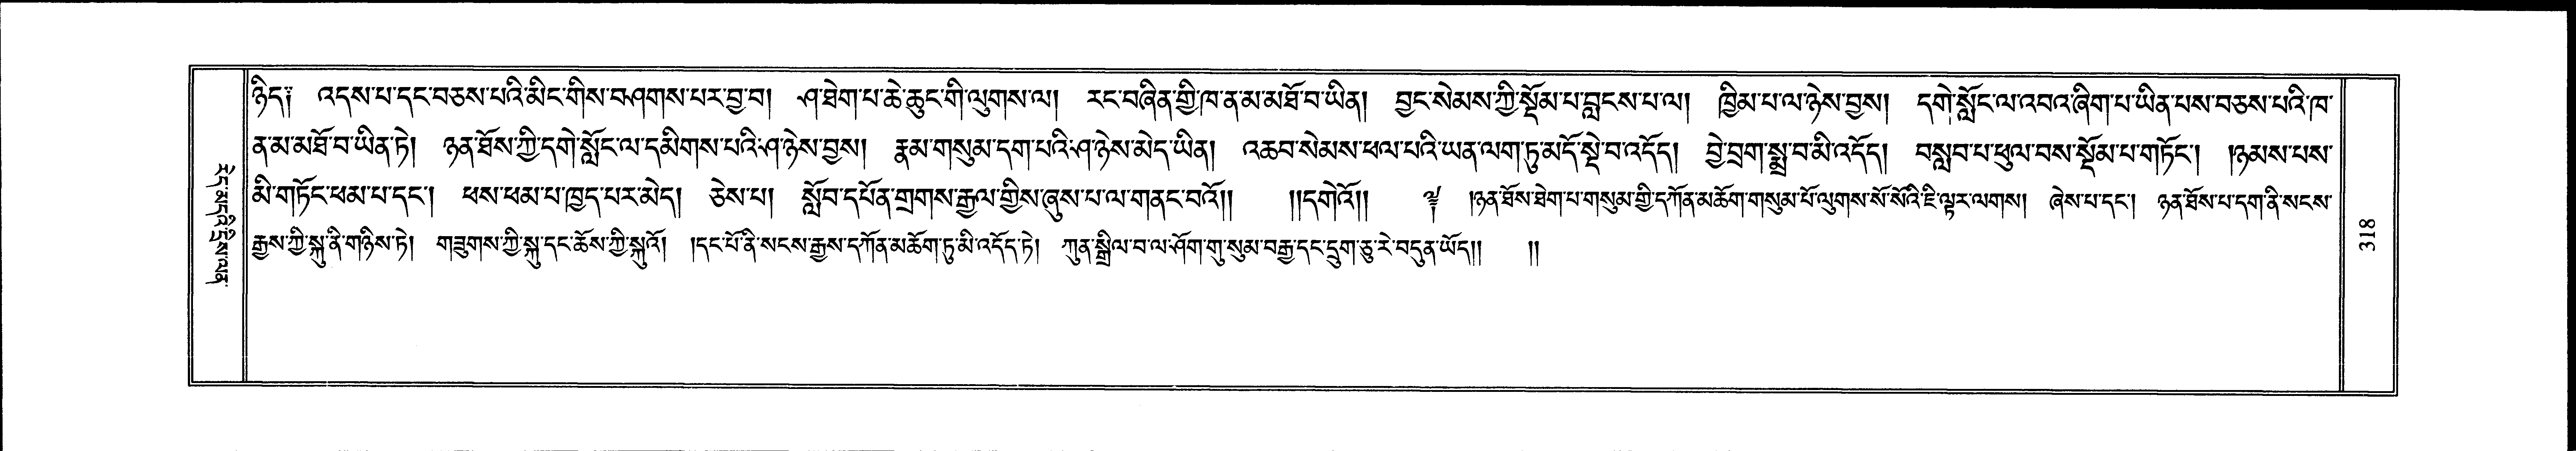ཉིད། འདས་པ་དང་བཅས་པའི་མིང་གིས་བཤགས་པར་བྱ་བ། ཤ་ཐེག་པ་ཆེ་ཆུང་གི་ལུགས་ལ། རང་བཞིན་གྱི་ཁ་ན་མ་མཐོ་བ་ཡིན། བྱང་སེམས་ཀྱི་སྡོམ་པ་བླངས་པ་ལ། ཁྱིམ་པ་ལ་ཉེས་བྱས། དགེ་སློང་ལ་འབའ་ཞིག་པ་ཡིན་པས་བཅས་པའི་ཁ་
ན་མ་མཐོ་བ་ཡིན་ཏེ། ཉན་ཐོས་ཀྱི་དགེ་སློང་ལ་དམིགས་པའི་ཤ་ཉེས་བྱས། རྣམ་གསུམ་དག་པའི་ཤ་ཉེས་མེད་ཡིན། འཆབ་སེམས་ཕལ་པའི་ཡན་ལག་ཏུ་མདོ་སྡེ་བ་འདོད། བྱེ་བྲག་སྨྲ་བ་མི་འདོད། བསླབ་པ་ཕུལ་བས་སྡོམ་པ་གཏོང་། །ཉམས་པས་
མི་གཏོང་ཕམ་པ་དང་། ཕས་ཕམ་པ་ཁྱད་པར་མེད། ཅེས་པ། སློབ་དཔོན་གྲགས་རྒྱལ་གྱིས་ཞུས་པ་ལ་གནང་བའོ།། །།དགེའོ།། ༈ །ཉན་ཐོས་ཐེག་པ་གསུམ་གྱི་དཀོན་མཆོག་གསུམ་པོ་ལུགས་སོ་སོའི་ཇི་ལྟར་ལགས། ཞེས་པ་དང་། ཉན་ཐོས་པ་དག་ནི་སངས་
རྒྱས་ཀྱི་སྐུ་ནི་གཉིས་ཏེ། གཟུགས་ཀྱི་སྐུ་དང་ཆོས་ཀྱི་སྐུའོ། །དང་པོ་ནི་སངས་རྒྱས་དཀོན་མཆོག་ཏུ་མི་འདོད་ཏེ། ཀུན་སྒྲིལ་བ་ལ་ཤོག་གུ་སུམ་བརྒྱ་དང་དྲུག་ཅུ་རེ་བདུན་ཡོད།། །།